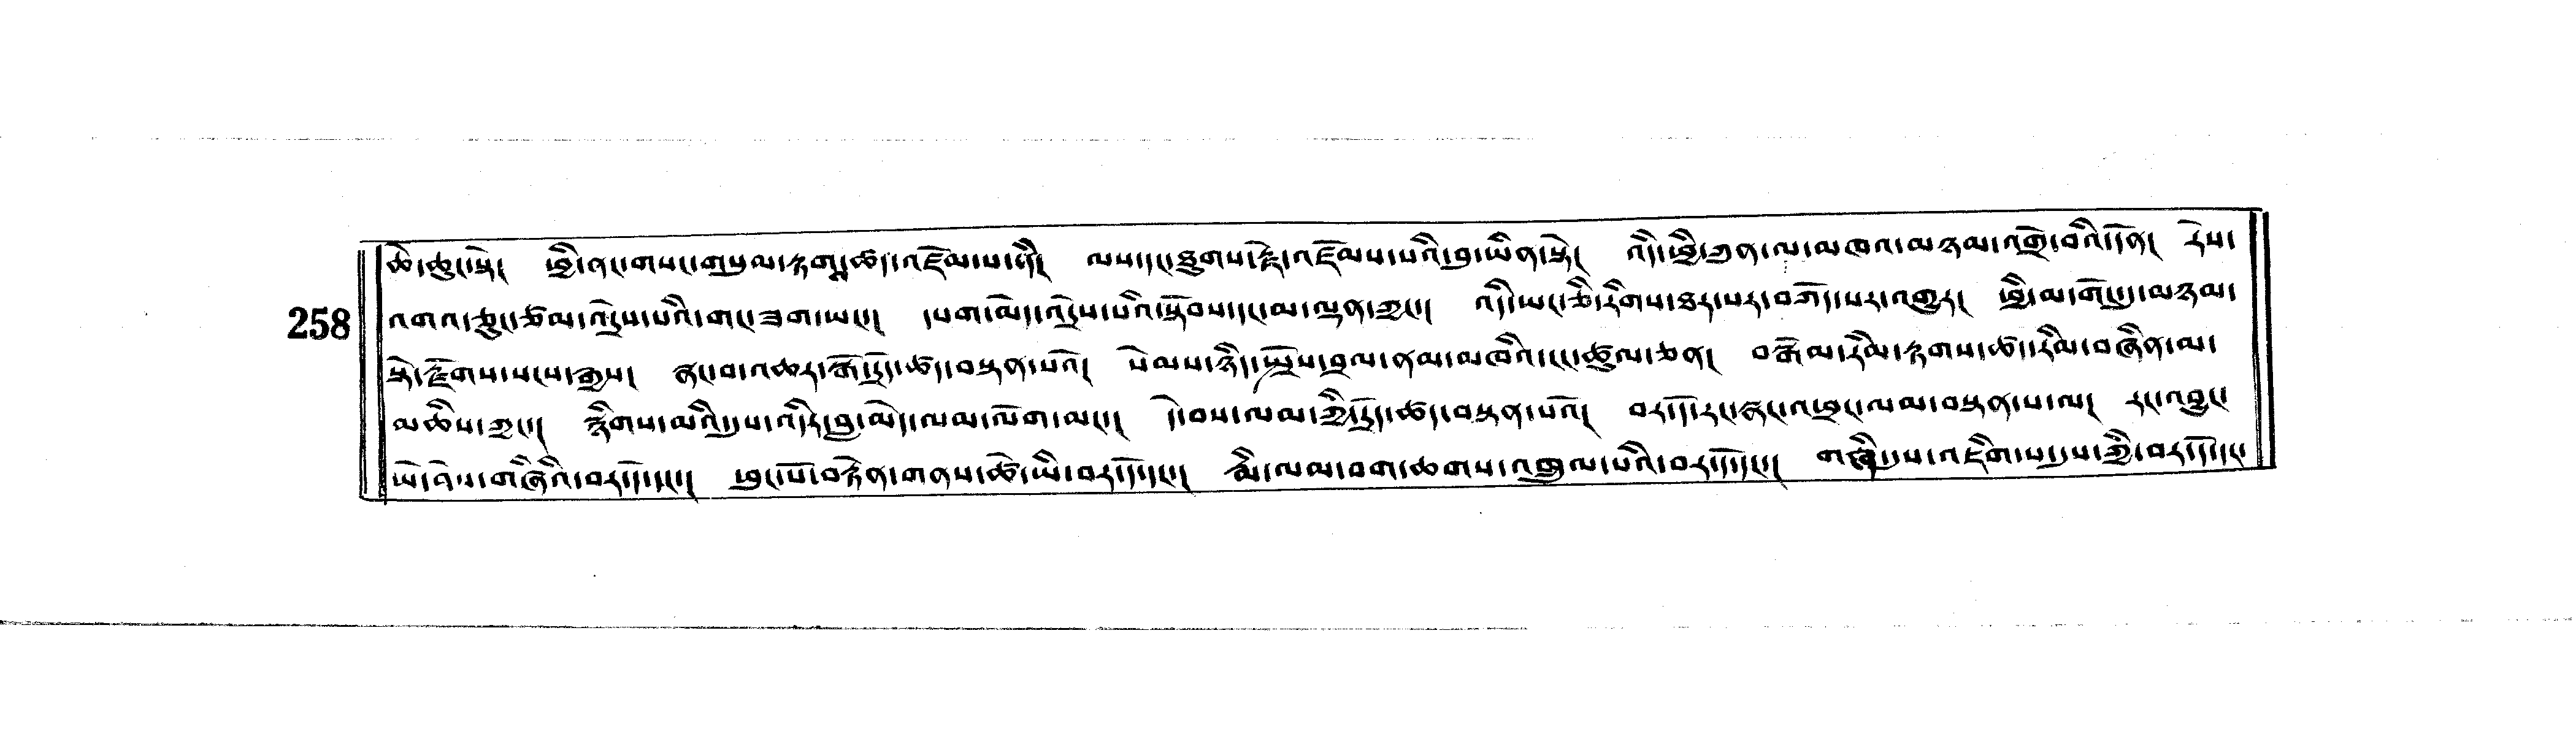ཆེ་ཆུང་སྟེ། ཕྱི་ནང་གསང་གསུམ་རྟགས་ཚད་འཛོམས་པ་ནི། ལས་དང་ཐུགས་རྗེ་འཛོམས་པའི་བུ་ཡིན་ཏེ། འདི་ཕྱི་ཀུན་ལ་མཁའ་མཉམ་འགྲོ་བའི་དོན། རེས་
འགའ་ཅུང་ཙམ་འདྲེས་པའི་གང་ཟག་ཡང་། དཔག་མེད་འདྲེས་པའི་སྟོབས་དང་མ་ལྡན་ཀྱང་། འདི་ཡང་ཅི་རིགས་ཐར་པར་བཀོད་པར་འགྱུར། ཕྱི་མ་གང་དུ་མཉམ་
སྟེ་རྫོགས་སངས་རྒྱས། སྣང་བ་འཆར་སྒོ་དྲོད་ཚད་བསྟན་པའོ། སེམས་ཉིད་སྤྲོས་བྲལ་ནམ་མཁའི་ངང་ཚུལ་ཅན། སྒོམ་རིམ་རྟགས་ཚད་རིམ་བཞིན་མ་
མཆིས་ཀྱང་། སྙིགས་མའི་དུས་འདིར་བླ་མེད་ལམ་ལོག་མང་། དེ་བས་ལམ་གྱི་དྲོད་ཚད་བསྟན་པའོ། བར་དོ་རང་སྣང་འཕྲང་ལམ་བསྟན་པ་ལ། རང་འབྱུང་
ཡེ་ཤེས་གཞི་ཡི་བར་དོ་དང་། ཕུང་པོ་རྟེན་གནས་ཚེ་ཡི་བར་དོ་དང་། རྨི་ལམ་བག་ཆགས་འཁྲུལ་པའི་བར་དོ་དང་། གཞི་དུས་འཇིགས་དུས་ཀྱི་བར་དོ་དང་།